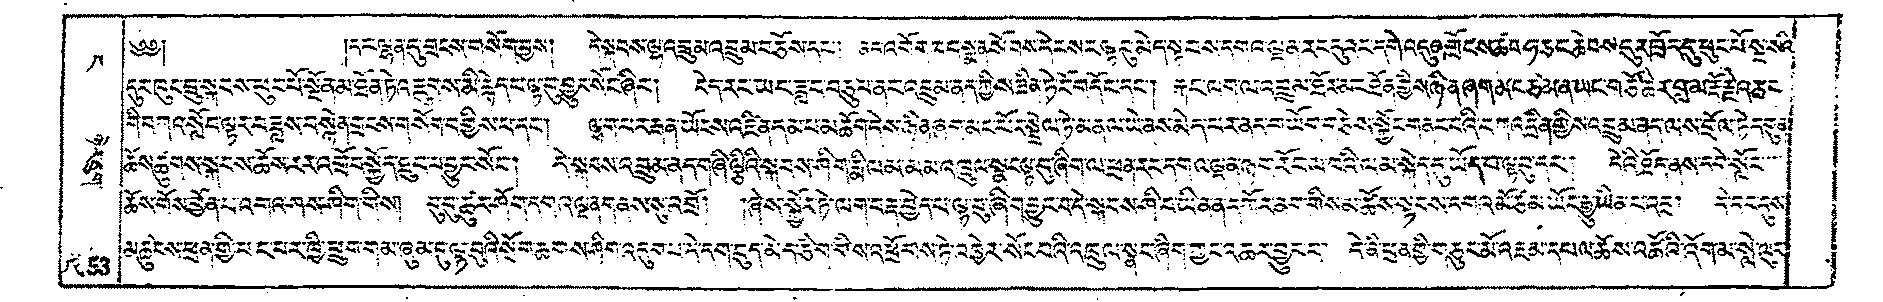༄༅། །དང་ལྷན་དུ་གྲངས་གསོག་བྱས། དེ་སྐབས་ལྷ་འབྲུམ་འབྲུམ་བཅོས་དང་། ནད་འགོག་ཁབ་སྨན་སོགས་དེང་སང་ལྟ་བུ་མེད་སྟབས་དགའ་ལྡན་རང་དུའང་དགེ་འདུན་གྲོངས་ཚབ་ཧ་ཅང་ཆེ་བས་དུར་ཁྲོད་དུ་ཕུང་པོ་སྦ་སའི་
དུར་ཁུང་བྲུ་སྐབས་ཕུང་པོ་སྔོན་མ་ཐོན་ཏེ་འཇུགས་མི་རྙེད་པ་ལྟ་བུ་བྱུང་སོང་ཞིང་། ངེད་རང་ཡང་ཟླ་བ་བཅུ་པ་ནང་འབྲུམ་ནད་ཀྱིས་ཟིན་ཏེ་ངོ་གདོང་དང་། རྐང་ལག་ལ་འབྲུམ་ཐོར་མང་ཐོན་གྱིས་ཉིན་ཞག་མང་ཙམ་ན་ཡང་གཙོ་ཆེར་བླ་མ་རྡོ་རྗེ་འཆང་
གི་བཀའ་སློབ་ལྟར་བཟླས་བསྙེན་གྲངས་གསོག་བགྱིས་པ་དང་། ལྷག་པར་རྒན་ཡོངས་འཛིན་དམ་པ་མཆོག་དེས་ཉིན་ཞག་མང་པོར་སྦྲེལ་ཏེ་མནལ་ཡེ་ནས་མེད་པར་ནད་གཡོག་གཅེས་སྐྱོང་གནང་བའི་བཀའ་དྲིན་གྱིས་འབྲུམ་ནད་ལས་གྲོལ་ཏེ་དགུན་
ཆོས་ཚུགས་སྐབས་ཆོས་རར་འགྲོ་བསྐྱོད་ཐུབ་པ་བྱུང་སོང་། དེ་སྐབས་འབྲུམ་ནད་གཞི་ལྕིའི་སྐབས་ཤིག་རྨི་ལམ་མམ་འཁྲུལ་སྣང་ལྟ་བུ་ཞིག་ལ་ཕྲན་རང་དགའ་ལྡན་ཉག་རོང་ལ་ཁའི་ལམ་སྐེད་དུ་ཡོད་པ་ལྟ་བུ་དང་། དེའི་ཐོད་ནས་དགེ་སློང་
ཆོས་གོས་གྱོན་པ་འགའ་ཤས་ཤིག་གིས། བུ་བུ་ཚུར་ཤོག་དགའ་ལྡན་གནས་སུ་འགྲོ། །ཞེས་སྐྱོར་ཏེ་ལག་བརྡ་བྱེད་པ་ལྟ་བུ་ཞིག་བྱུང་བ་དེ་སྐབས་ཤི་བ་ཡིན་ན་དཀོར་ནག་གིས་མ་ཚོས་སྟབས་དགའ་མོ་ཙམ་ཡོང་རྒྱུ་ཡིན་པ་འདྲ། དེ་དང་དུས་
མཚུངས་ཕྲན་གྱི་པང་པར་ཁྱི་ཕྲུག་གམ་ཞུམ་བུ་ལྟ་བུའི་སྲོག་ཆགས་ཤིག་འདུག་པ་དེ་དག་བུད་མེད་ཅིག་གིས་འཕྲོགས་ཏེ་འཁྱེར་སོང་བའི་འཁྲུལ་སྣང་ཞིག་ཀྱང་འཆར་བྱུང་བ། དེ་ནི་ཕྲན་གྱི་གཅུང་མོ་འཇམ་དཔལ་ཆོས་འཚོའི་འོག་མ་སླེ་ལུང་